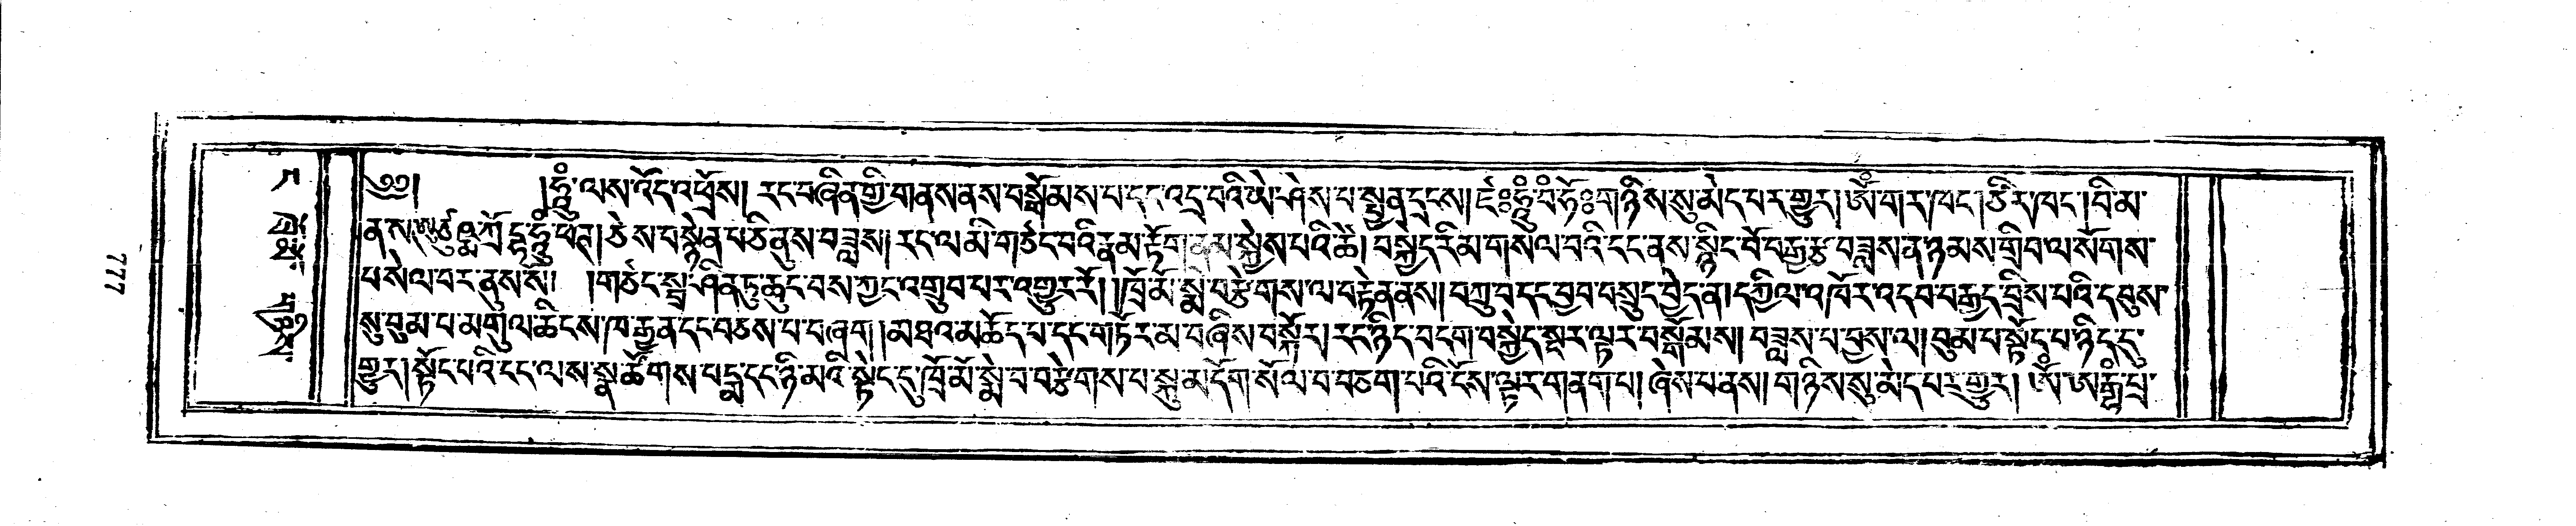༄༅། །ཧཱུཾ་ལས་འོད་འཕྲོས། རང་བཞིན་གྱི་གནས་ནས་བསྒོམས་པ་དང་འདྲ་བའི་ཡེ་ཤེས་པ་སྤྱན་དྲངས། ཛཿ ཧཱུཾ་བཾ་ཧོཿ གཉིས་སུ་མེད་པར་གྱུར། ཨོཾ་གར་ཁང་། ཙིར་ཁང་། བི་མ་
ན་སེ༑ མྴུ་ཥྨ་ཀྲོ་དྷ་ཧཱུཾ་ཕཊ། ཅེས་བསྙེན་པ་ཅི་ནུས་བཟླས། རང་ལ་མི་གཙང་བའི་རྣམ་རྟོག་ནམ་སྐྱེས་པའི་ཚེ། བསྐྱེད་རིམ་གསལ་བའི་ངང་ནས་སྙིང་པོ་བརྒྱ་རྩ་བཟླས་ན་ཉམས་གྲིབ་ལ་སོགས་
པ་སེལ་བར་ནུས་སོ། །གཙང་སྦྲ་ཤིན་ཏུ་ཆུང་བས་ཀྱང་འགྲུབ་པར་འགྱུར་རོ། །ཁྲོ་མོ་སྨེ་བརྩེགས་ལ་བརྟེན་ནས། བཀྲུ་བ་དང་བྱ་བ་བསྲུང་བྱེད་ན། དཀྱིལ་འཁོར་འདབ་བརྒྱད་བྲིས་པའི་དབུས་
སུ་བུམ་པ་མགུལ་ཆིངས་ཁ་རྒྱན་དང་བཅས་པ་བཞག །མཐའ་མཆོད་པ་དང་གཏོར་མ་བཞིས་བསྐོར། རང་ཉིད་བདག་བསྐྱེད་སྔར་ལྟར་བསྒོམས། བཟླས་པ་བྱས་ལ། བུམ་པ་སྟོང་པ་ཉིད་དུ་
གྱུར། སྟོང་པའི་ངང་ལས་སྣ་ཚོགས་པདམ་དང་ཉི་མའི་སྟེང་དུ་ཁྲོ་མོ་སྨེ་བ་བརྩེགས་པ་སྐུ་མདོག་སོལ་བ་བཅག་པའི་ངོས་ལྟར་གནག་པ། ཞེས་པ་ནས། གཉིས་སུ་མེད་པར་གྱུར། ཨོཾ་ཨརྒྷཾ་པྲ་